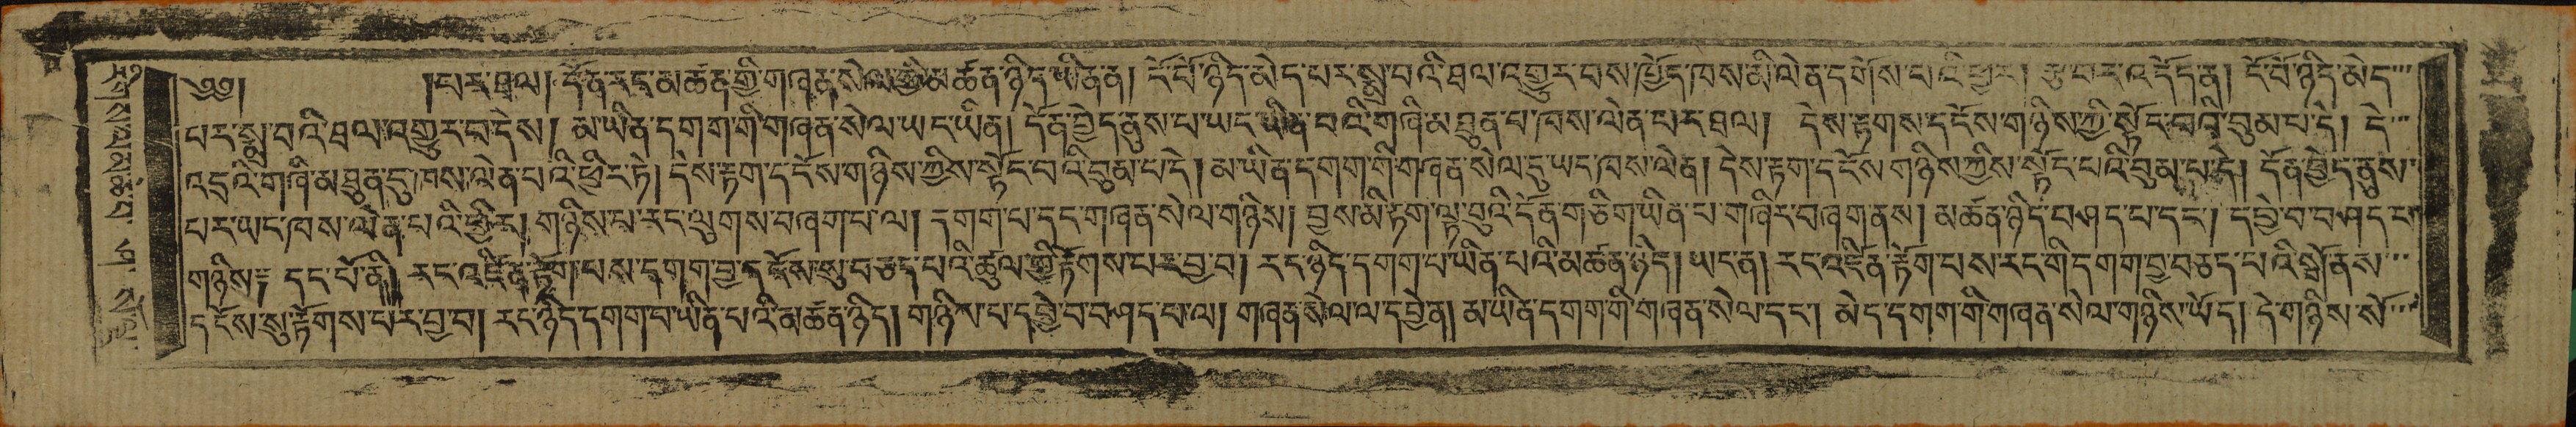༄༅། །པར་ཐལ། དོན་རང་མཚན་གྱི་གཞན་སེལ་གྱི་མཚན་ཉིད་ཡིན་ན། ངོ་བོ་ཉིད་མེད་པར་སྨྲ་བའི་ཐལ་འགྱུར་བས་ཁྱོད་ཁས་མི་ལེན་དགོས་པའི་ཕྱིར། རྩ་བར་འདོད་ན། ངོ་བོ་ཉིད་མེད་
པར་སྨྲ་བའི་ཐལ་འགྱུར་བ་དེས། མ་ཡིན་དགག་གི་གཞན་སེལ་ཡང་ཡིན། དོན་བྱེད་ནུས་པ་ཡང་ཡིན་པའི་གཞི་མཐུན་པ་ཁས་ལེན་པར་ཐལ། དེས་རྟགས་དངོས་གཉིས་ཀྱི་སྟོང་བའི་བུམ་པ་དེ། དེ་
འདྲའི་གཞི་མཐུན་དུ་ཁས་ལེན་པའི་ཕྱིར་ཏེ། དེས་རྟག་དངོས་གཉིས་ཀྱིས་སྟོང་པའི་བུམ་པ་དེ། མ་ཡིན་དགག་གི་གཞན་སེལ་དུ་ཡང་ཁས་ལེན། དེས་རྟག་དངོས་གཉིས་ཀྱིས་སྟོང་པའི་བུམ་པ་དེ། དོན་བྱེད་ནུས་
པར་ཡང་ཁས་ལེན་པའི་ཕྱིར། གཉིས་པ་རང་ལུགས་བཞག་པ་ལ། དགག་པ་དང་གཞན་སེལ་གཉིས། བྱས་མི་རྟག་ལྟ་བུའི་དོན་གཅིག་ཡིན་པ་གཞིར་བཞག་ནས། མཚན་ཉིད་བཤད་པ་དང་། དབྱེ་བ་བཤད་པ་
གཉིས༑ དང་པོ་ནི། རང་འཛིན་རྟོག་པས་དགག་བྱ་དངོས་སུ་བཅད་པའི་ཚུལ་གྱི་རྟོགས་པར་བྱ་བ། རང་ཉིད་དགག་པ་ཡིན་པའི་མཚན་ཉིད། ཡང་ན། རང་འཛིན་རྟོག་པས་རང་གི་དགག་བྱ་བཅད་པའི་སྒོ་ནས་
དངོས་སུ་རྟོགས་པར་བྱ་བ། རང་ཉིད་དགག་པ་ཡིན་པའི་མཚན་ཉིད། གཉིས་པ་དབྱེ་བ་བཤད་པ་ལ། གཞན་སེལ་ལ་དབྱེ་ན། མ་ཡིན་དགག་གི་གཞན་སེལ་དང་། མེད་དགག་གི་གཞན་སེལ་གཉིས་ཡོད། དེ་གཉིས་སོ་